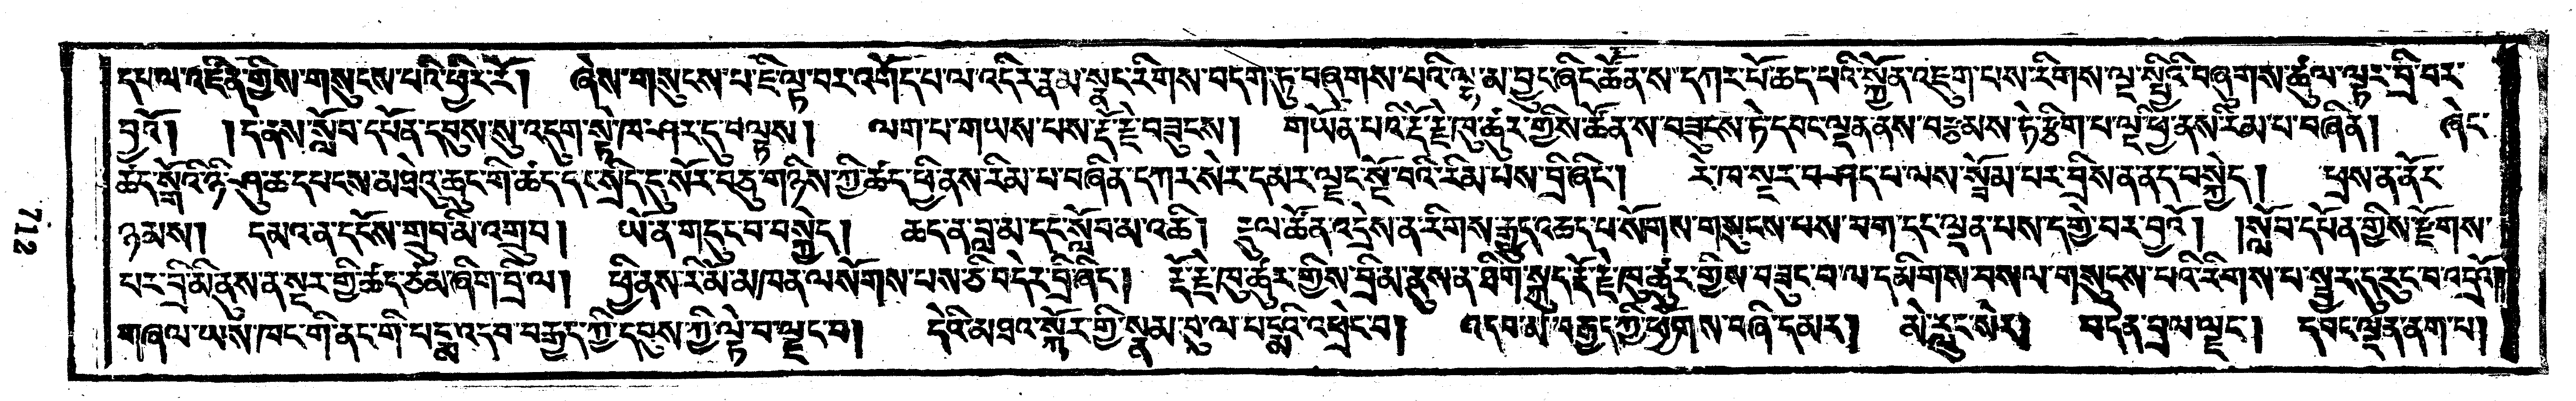དཔལ་འཛིན་གྱིས་གསུངས་པའི་ཕྱིར་རོ། ཞེས་གསུངས་པ་ཇི་ལྟ་བར་འགོད་པ་ལ་འདིར་རྣམ་སྣང་རིགས་བདག་ཏུ་བཞུགས་པའི་ལྷ་མ་བྱུང་ཞིང་ཚོན་ས་དཀར་པོ་ཆད་པའི་སྐྱོན་འཇུག་པས་རིགས་ལྔ་སྤྱིའི་བཞུགས་ཚུལ་ལྟར་བྲི་བར་
བྱའོ། །དེ་ནས་སློབ་དཔོན་དབུས་སུ་འདུག་སྟེ་ཁ་ཤར་དུ་བལྟས། ལག་པ་གཡས་པས་རྡོ་རྗེ་བཟུངས། གཡོན་པའི་རྡོ་རྗེ་ཁུ་ཚུར་གྱིས་ཚོན་ས་བཟུངས་ཏེ་དབང་ལྡན་ནས་བརྩམས་ཏེ་རྩིག་པ་ལྔ་ཕྱི་ནས་རིམ་པ་བཞིན། ཞེང་
ཚད་སྒོའི་ཉི་ཤུ་ཆ་དཔངས་མཐེའུ་ཆུང་གི་ཚད་དང་སྲིད་དུ་སོར་བཅུ་གཉིས་ཀྱི་ཚད་ཕྱི་ནས་རིམ་པ་བཞིན་དཀར་སེར་དམར་ལྗང་སྔོ་བའི་རིམ་པས་བྲི་ཞིང་། རེ་ཁ་སྔར་བཤད་པ་ལས་སྦོམ་པར་བྲིས་ན་ནད་བསྐྱེད། ཕྲས་ན་ནོར་
ཉམས། དམའ་ན་དངོས་གྲུབ་མི་འགྲུབ། ཡོ་ན་གདུང་བ་བསྐྱེད། ཆད་ན་བླ་མ་དང་སློབ་མ་འཆི། རྡུལ་ཚོན་འདྲེས་ན་རིགས་རྒྱུད་འཆད་པ་སོགས་གསུངས་པས་བག་དང་ལྡན་པས་དགྱེ་བར་བྱའོ། །སློབ་དཔོན་གྱིས་རྫོགས་
པར་བྲི་མི་ནུས་ན་སྔར་གྱི་ཚད་ཙམ་ཞིག་བྲི་ལ། ཕྱི་ནས་རི་མོ་མཁན་ལ་སོགས་པས་ཅི་བདེར་བྲི་ཞིང་། རྡོ་རྗེ་ཁུ་ཚུར་གྱིས་བྲི་མ་ནུས་ན་ཐིག་སྐུད་རྡོ་རྗེ་ཁུ་ཚུར་གྱིས་བཟུང་བ་ལ་དམིགས་བསལ་གསུངས་པའི་རིགས་པ་སྦྱར་དུ་རུང་བ་འདྲའོ།།
གཞལ་ཡས་ཁང་གི་ནང་གི་པདམ་འདབ་བརྒྱད་ཀྱི་དབུས་ཀྱི་ལྟེ་བ་ལྗང་བ། དེའི་མཐའ་སྐོར་གྱི་སྣམ་བུ་ལ་པདམའི་འཕྲེང་བ། འདབ་མ་བརྒྱད་ཀྱི་ཕྱོགས་བཞི་དམར། མེ་རླུང་སེར། བདེན་བྲལ་ལྗང་། དབང་ལྡན་ནག་པ།